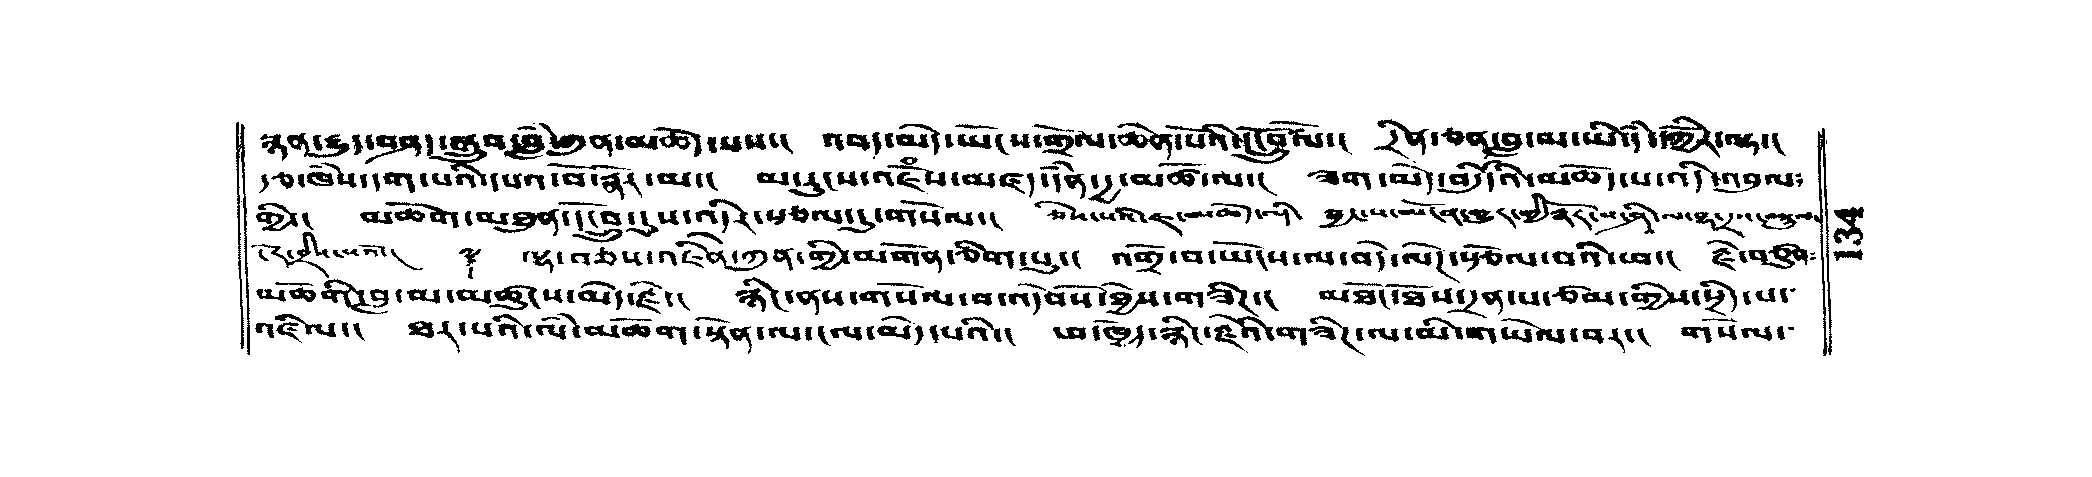།སྙན་བརྒྱུད་བཤད་སྒྲུབ་བླ་མ་ཀུན་མཆོད་པས། །འབད་མེད་ཡོངས་གྲོལ་ཆེན་པོའི་དངོས་གྲུབ་སྩོལ། །དྲིན་ཆེན་བླ་མ་ཡི་དམ་དཀྱིལ་འཁོར་ལྷ། །
རྩ་ཁམས་དག་པའི་དཔའ་བོ་རྣལ་འབྱོར་མ། །མ་རུངས་མཇོམས་མཛད་དམ་ཅན་རྒྱ་མཚོ་ལ། །ཟག་མེད་བདུད་རྩིའི་མཆོད་པ་འདི་འབུལ་
གྱི། །མཆོག་ཐུན་དངོས་གྲུབ་དུས་འདིར་བསྩལ་དུ་གསོལ། ཅེས་པའི་ཇ་མཆོད་འདི། སྦྱངས་པ་མངོན་གྱུར་གྱི་རྣལ་འབྱོར་ཤཱི་ལ་བྷ་དྲས་བསྐུལ་
ངོར་བྲིས་པའོ།། ༈ ལྷ་བཅས་འཇིག་རྟེན་ཀུན་གྱི་མགོན་གཅིག་པུ། །འགྲོ་བ་ཡོངས་ལ་བདེ་ལེགས་སྩོལ་བའི་ཕ། །རྗེ་བཙུན་
མཆོག་གི་བླ་མ་མཚུངས་མེད་རྗེ། །སྙིང་ནས་གསོལ་བ་འདེབས་སོ་ཐུགས་རྗེས་གཟིགས། །མཐོང་ཐོས་དྲན་པ་ཙམ་གྱི་སྲིད་པ་
འཇིལ། །ཐར་པའི་ལམ་མཆོག་སྟོན་ལ་ངལ་མེད་པའི། །ཕ་ཁྱོད་སྙིང་རྗེའི་གཟིགས་པ་མི་གཡེལ་བར། །གསོལ་